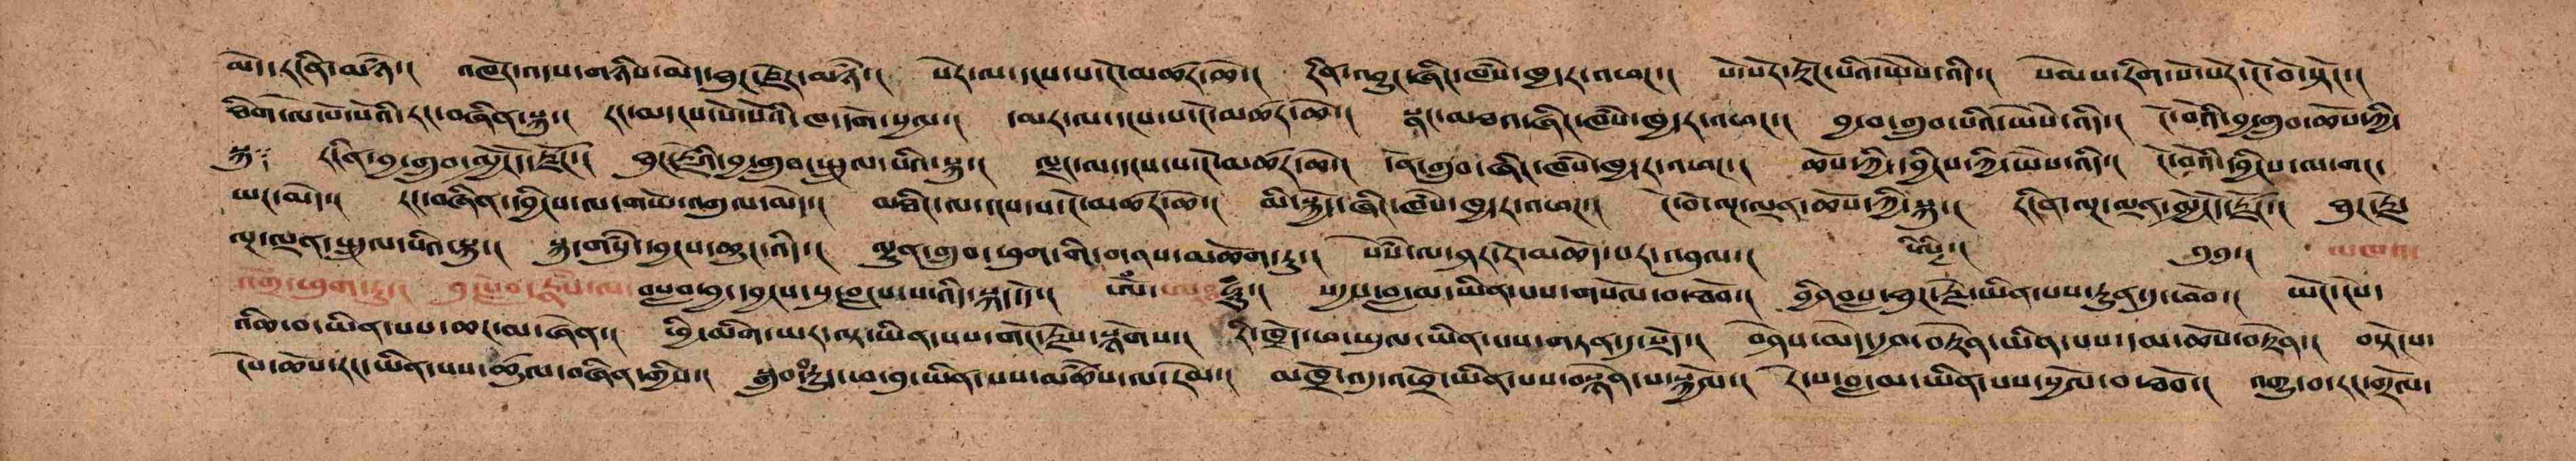མེད་རང་བཞིན་མཉམ། འཁོར་འདས་གཉིས་མེད་ཐུགས་རྗེར་མཉམ། སེར་ལ་དངས་པ་ངོ་མཚར་ཆེ། རིན་འབྱུང་ཞིང་ཁམས་ཁྱད་པར་འཕགས། སོ་སོར་རྟོགས་པའི་ཡེ་ཤེས་འདི། སེམས་རིག་སོ་སོར་ངོ་བོ་སྟོང་། 
ཐིག་ལེ་སོ་སོའི་རང་བཞིན་སྐུ། རང་མདངས་སོ་སོའི་ཁ་དོག་གསལ། དམར་ལ་དངས་པ་ངོ་མཚར་ཆེ། སྣང་མཐའ་ཞིང་ཁམས་ཁྱད་པར་འཕགས། བྱ་བ་གྲུབ་པའི་ཡེ་ཤེས་འདི། ངོ་བོའི་བྱ་གྲུབ་ཆོས་ཀྱི་
སྐུ༑ རང་བཞིན་བྱ་གྲུབ་ལོངས་སྤྱོད་རྫོགས། ཐུགས་རྗེའི་བྱ་གྲུབ་སྤྲལ་པའི་སྐུ། ལྗང་ལ་དངས་པ་ངོ་མཚར་ཆེ། དོན་གྲུབ་ཞིང་ཁམས་ཁྱད་པར་འཕགས། ཆོས་ཀྱི་དབྱིངས་ཀྱི་ཡེ་ཤེས་འདི། ངོ་བོའི་དབྱིངས་ལ་གང་
ཡང་མེད། རང་བཞིན་དབྱིངས་ལ་གཡོ་འགུལ་མེད། མཐིང་ལ་དངས་པ་ངོ་མཚར་ཆེ། མི་སྐྱོད་ཞིང་ཁམས་ཁྱད་པར་འཕགས། ངོ་བོ་ལྔ་ལྡན་ཆོས་ཀྱི་སྐུ། རང་ལྔ་ལྡན་ལོངས་སྤྱོད་རྫོགས། ཐུགས་རྗེ་
ལྔ་ལྡན་སྤྲུལ་པའི་སྐུ། སྐུ་གསུམ་དབྱངས་ཆུང་འདི། ལྷུན་གྲུབ་ཕུག་གི་གནས་མཆོག་ཏུ། སེམས་ལ་ཤར་རོ་མཆོད་པར་ཕུལ། ཨིཊི། ༄༅་། མཁའ་
འགྲོ་ཕུག་ཏུ། བུ་སློབ་རྣམས་ལ་བསླབ་བྱ་དབྱངས་སུ་བླངས་པ་འདི་སྐད་དོ། ཨོཾ་ཨཿཧཱུཾ། སངས་རྒྱས་བླ་མ་ཡིན་པས་གསོལ་བ་ཐོབ། བྱིན་རླབས་ཐུགས་རྗེ་ཡིན་པས་དྱུན་དུ་ཕོབ། ཡོང་ངེས་
འཆི་བ་ཡིན་པས་ཆང་མ་ཞེན། ཕྱི་མིག་ཡར་ལྟ་ཡིནཔས་གོང་རྗེས་སྙེགས། རི་ཁྲོད་ཕ་ཡུལ་ཡིན་པས་གཏན་དུ་སྡོད། བཤེས་མེད་རྒྱབ་བརྟེན་ཡིན་པས་དམ་ཆོས་བརྟེན། བསྟོངས་
ངེས་ཆོས་རང་ཡིན་པས་ཚུལ་བཞིན་གྱིས། སྒྲུབ་བདྱུད་ཕ་བུ་ཡིན་པས་མཚམས་ལ་རེམ། མཁའ་འགྲོ་འདུ་འཕྲོ་ཡིན་པས་བསྙེན་པ་སྐྱོལ། རེ་ས་བླ་མ་ཡིན་པས་གསོལ་བ་ཐོབ། འགྱུ་བ་རང་གྲོལ་